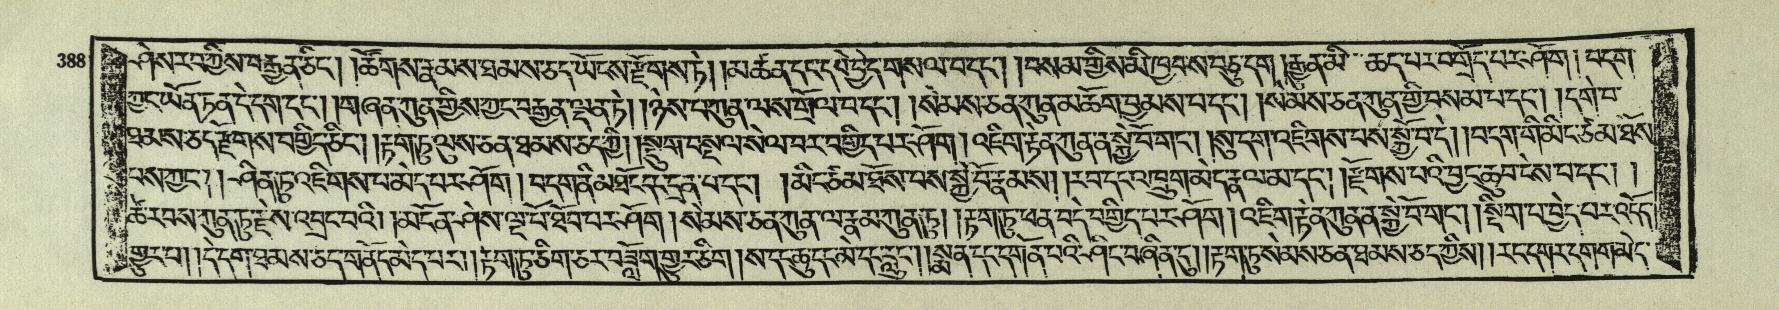ཤེས་རབ་ཀྱིས་བརྒྱན་ཅིང་། །ཚོགས་རྣམས་ཐམས་ཅད་ཡོངས་རྫོགས་ཏེ། །མཚན་དང་དཔེ་བྱེད་གསལ་བ་དང་། །བསམ་གྱིས་མི་ཁྱབ་ས་བཅུ་དག །རྒྱུན་མི་ཆད་པར་བགྲོད་པར་ཤོག །བདག་
ཀྱང་ཡོན་ཏན་དེ་དག་དང་། །གཞན་ཀུན་གྱིས་ཀྱང་བརྒྱན་ལྡན་ཏེ། །ཉེས་པ་ཀུན་ལས་གྲོལ་བ་དང་། །སེམས་ཅན་ཀུན་མཆོག་བྱམས་པ་དང་། །སེམས་ཅན་ཀུན་གྱི་བསམ་པ་དང་། །དགེ་བ་
ཐམས་ཅད་རྫོགས་བགྱིད་ཅིང་། །རྟག་ཏུ་ལུས་ཅན་ཐམས་ཅད་ཀྱི། །སྡུག་བསྔལ་སེལ་བར་བགྱིད་པར་ཤོག །འཇིག་རྟེན་ཀུན་ན་སྐྱེ་བོ་གང་། །སུ་དག་འཇིགས་པས་སྐྱོ་བ་དེ། །བདག་གི་མིང་ཙམ་ཐོས་
པས་ཀྱང་། །ཤིན་ཏུ་འཇིགས་པ་མེད་པར་ཤོག །བདག་ནི་མཐོང་དང་དྲན་པ་དང་། །མིང་ཙམ་ཐོས་པས་སྐྱེ་བོ་རྣམས། །རབ་དང་འཁྲུག་མེད་རྣལ་མ་དང་། །རྫོགས་པའི་བྱང་ཆུབ་ངེས་པ་དང་། །
ཚེ་རབས་ཀུན་ཏུ་རྗེས་འབྲང་བའི། །མངོན་ཤེས་ལྔ་པོ་ཐོབ་པར་ཤོག །སེམས་ཅན་ཀུན་ལ་རྣམ་ཀུན་ཏུ། །རྟག་ཏུ་ཕན་བདེ་བགྱིད་པར་ཤོག །འཇིག་རྟེན་ཀུན་ན་སྐྱེ་བོ་གང་། །སྡིག་པ་བྱེད་པར་འདོད་
གྱུར་པ། །དེ་དག་ཐམས་ཅད་གནོད་མེད་པར། །རྟག་ཏུ་ཅིག་ཅར་བཟློག་གྱུར་ཅིག །ས་དང་ཆུ་དང་མེ་དང་རླུང་། །སྨན་དང་དགོན་པའི་ཤིང་བཞིན་དུ། །རྟག་ཏུ་སེམས་ཅན་ཐམས་ཅད་ཀྱིས། །རང་དགར་དགག་མེད་